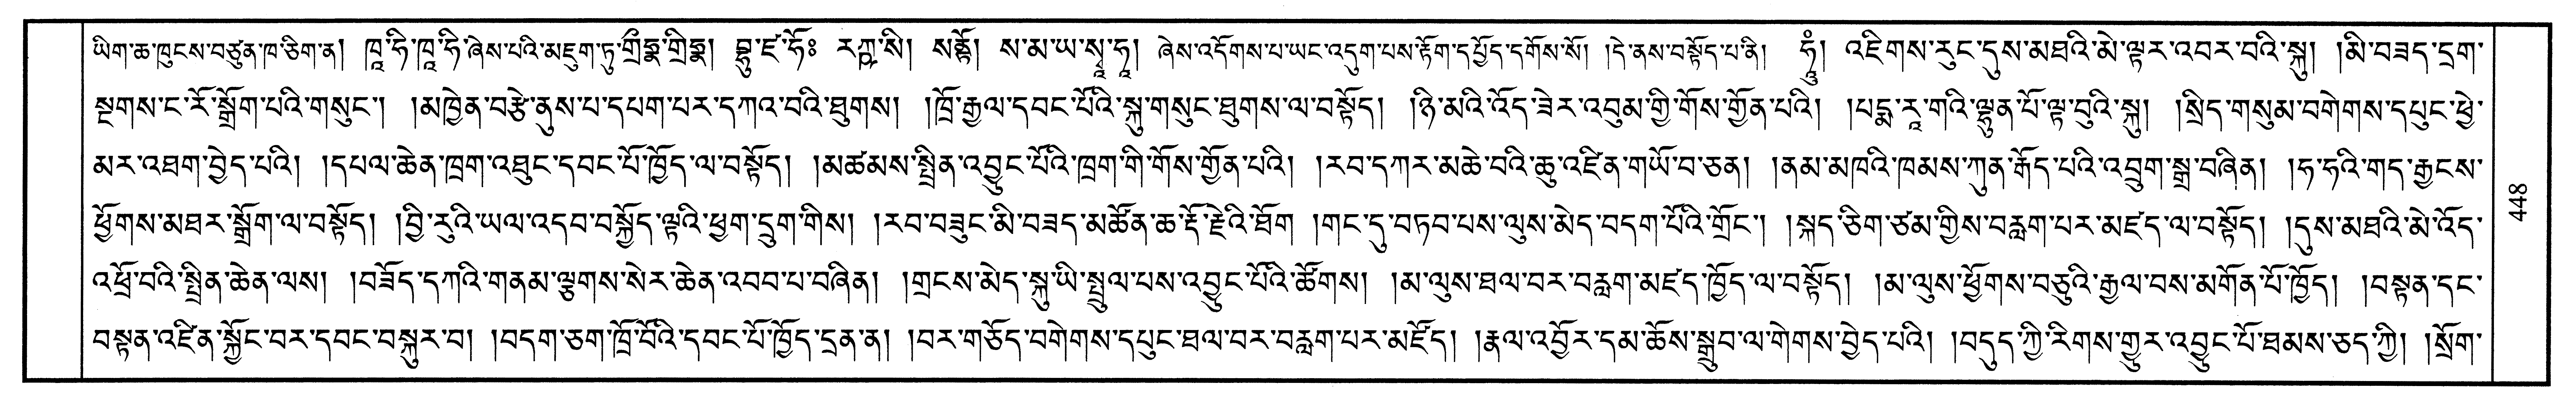ཡིག་ཆ་ཁུངས་བཙུན་ཁ་ཅིག་ན། ཁཱ་ཧི་ཁཱ་ཧི་ཞེས་པའི་འཇུག་ཏུ་གྲྀཧྣ་གྲིཧྣ། བྷུ་ཛ་ཧོཿ རཀྵ་སི། སནྟོ། ས་མ་ཡ་སྭཱ་ཧཱ། ཞེས་འདོགས་པ་ཡང་འདུག་པས་རྟོག་དཔྱོད་དགོས་སོ། །དེ་ནས་བསྟོད་པ་ནི། ཧཱུཾ། འཇིགས་རུང་དུས་མཐའི་མེ་ལྟར་འབར་བའི་སྐུ། །མི་བཟད་དྲག་
སྔགས་ང་རོ་སྒྲོག་པའི་གསུང་། །མཁྱེན་བརྩེ་ནུས་པ་དཔག་པར་དཀའ་བའི་ཐུགས། །ཁྲོ་རྒྱལ་དབང་པོའི་སྐུ་གསུང་ཐུགས་ལ་བསྟོད། །ཉི་མའི་འོད་ཟེར་འབུམ་གྱི་གོས་གྱོན་པའི། །པདམ་རཱ་གའི་ལྷུན་པོ་ལྟ་བུའི་སྐུ། །སྲིད་གསུམ་བགེགས་དཔུང་ཕྱེ་
མར་འཐག་བྱེད་པའི། །དཔལ་ཆེན་ཁྲག་འཐུང་དབང་པོ་ཁྱོད་ལ་བསྟོད། །མཚམས་སྤྲིན་འབྱུང་པོའི་ཁྲག་གི་གོས་གྱོན་པའི། །རབ་དཀར་མཆེ་བའི་ཆུ་འཛིན་གཡོ་བ་ཅན། །ནམ་མཁའི་ཁམས་ཀུན་རྒོད་པའི་འབྲུག་སྒྲ་བཞིན། །ཧ་ཧའི་གད་རྒྱངས་
ཕྱོགས་མཐར་སྒྲོག་ལ་བསྟོད། །བྱི་རུའི་ཡལ་འདབ་བསྐྱོད་ལྟའི་ཕྱག་དྲུག་གིས། །རབ་བཟུང་མི་བཟད་མཚོན་ཆ་རྡོ་རྗེའི་ཐོག །གང་དུ་བཏབ་པས་ལུས་མེད་བདག་པོའི་གྲོང་། །སྐད་ཅིག་ཙམ་གྱིས་བརླག་པར་མཛད་ལ་བསྟོད། །དུས་མཐའི་མེ་འོད་
འཕྲོ་བའི་སྤྲིན་ཆེན་ལས། །བཟོད་དཀའི་གནམ་ལྕགས་སེར་ཆེན་འབབ་པ་བཞིན། །གྲངས་མེད་སྐུ་ཡི་སྤྲུལ་པས་འབྱུང་པོའི་ཚོགས། །མ་ལུས་ཐལ་བར་བརླག་མཛད་ཁྱོད་ལ་བསྟོད། །མ་ལུས་ཕྱོགས་བཅུའི་རྒྱལ་བས་མགོན་པོ་ཁྱོད། །བསྟན་དང་
བསྟན་འཛིན་སྐྱོང་བར་དབང་བསྐུར་བ། །བདག་ཅག་ཁྲོ་བོའི་དབང་པོ་ཁྱོད་དྲན་ན། །བར་གཅོད་བགེགས་དཔུང་ཐལ་བར་བརླག་པར་མཛོད། །རྣལ་འབྱོར་དམ་ཆོས་སྒྲུབ་ལ་གེགས་བྱེད་པའི། །བདུད་ཀྱི་རིགས་གྱུར་འབྱུང་པོ་ཐམས་ཅད་ཀྱི། །སྲོག་